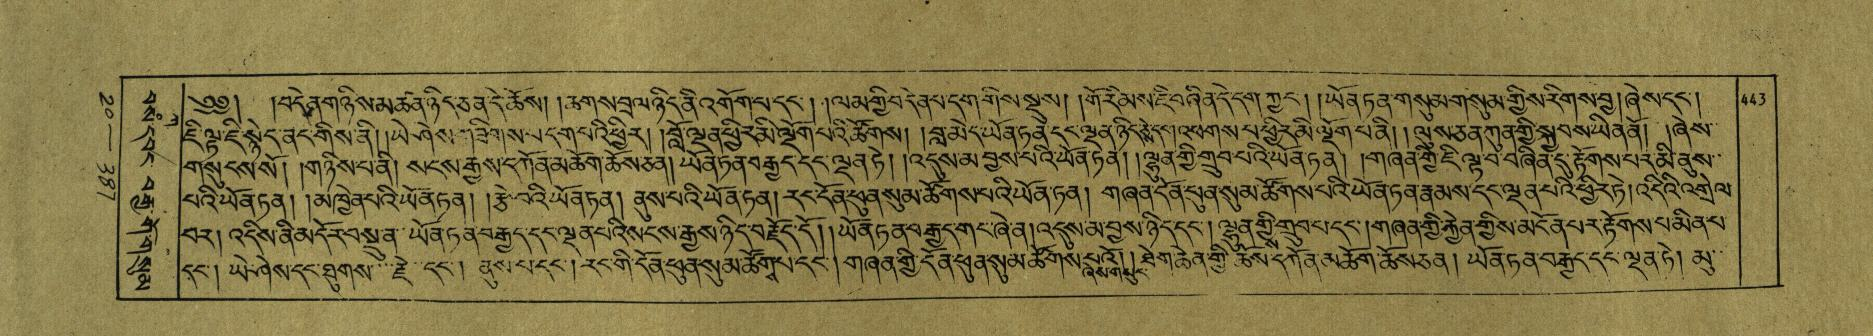༄༅། །བདེན་གཉིས་མཚན་ཉིད་ཅན་དེ་ཆོས། །ཆགས་བྲལ་ཉིད་ནི་འགོག་པ་དང་། །ལམ་གྱི་བདེན་པ་དག་གིས་སྡུས། །གོ་རིམས་ཇི་བཞིན་དེ་དག་ཀྱང་། །ཡོན་ཏན་གསུམ་གསུམ་གྱིས་རིགས་བྱ། ཞེས་དང་།
ཇི་ལྟ་ཇི་སྙེད་ནང་གིས་ནི། །ཡེ་ཤེས་གཟིགས་པ་དག་པའི་ཕྱིར། །བློ་ལྡན་ཕྱིར་མི་ལྡོག་པའི་ཚོགས། །བླ་མེད་ཡོན་ཏན་དང་ལྡན་ཉིད་ཅེས་དང་། འཕགས་པ་ཕྱིར་མི་ལྡོག་པ་ནི། །ལུས་ཅན་ཀུན་གྱི་སྐྱབས་ཡིན་ནོ། །ཞེས་
གསུངས་སོ། །གཉིས་པ་ནི། སངས་རྒྱས་དཀོན་མཆོག་ཆོས་ཅན། ཡོན་ཏན་བརྒྱད་དང་ལྡན་ཏེ། །འདུས་མ་བྱས་པའི་ཡོན་ཏན། །ལྷུན་གྱི་གྲུབ་པའི་ཡོན་ཏན། །གཞན་གྱི་ཇི་ལྟ་བ་བཞིན་དུ་རྟོགས་པར་མི་ནུས་
པའི་ཡོན་ཏན། །མཁྱེན་པའི་ཡོན་ཏན། །རྩེ་བའི་ཡོན་ཏན། ནུས་པའི་ཡོན་ཏན། རང་དོན་ཕུན་སུམ་ཚོགས་པའི་ཡོན་ཏན། གཞན་དོན་ཕུན་སུམ་ཚོགས་པའི་ཡོན་ཏན་རྣམས་དང་ལྡན་པའི་ཕྱིར་ཏེ། འདིའི་འགྲེལ་
བར། འདིས་ནི་མདོར་བསྡུ་ན་ཡོན་ཏན་བརྒྱད་དང་ལྡན་པའི་སངས་རྒྱས་ཉིད་བརྗོད་དོ། །ཡོན་ཏན་བརྒྱད་གང་ཞེ་ན། འདུས་མ་བྱས་ཉིད་དང་། ལྷུན་གྱིས་གྲུབ་པ་དང་། གཞན་གྱི་རྐྱེན་གྱིས་མངོན་པར་རྟོགས་པ་མིན་པ་
དང་། ཡེ་ཤེས་དང་ཐུགས་རྗེ་དང་། ནུས་པ་དང་། རང་གི་དོན་ཕུན་སུམ་ཚོགས་པ་དང་། གཞན་གྱི་དོན་ཕུན་སུམ་ཚོགས་ཞེས་གསུང་པའོ། །ཐེག་ཆེན་གྱི་ཆོས་དཀོན་མཆོག་ཆོས་ཅན། ཡོན་ཏན་བརྒྱད་དང་ལྡན་ཏེ། མུ་